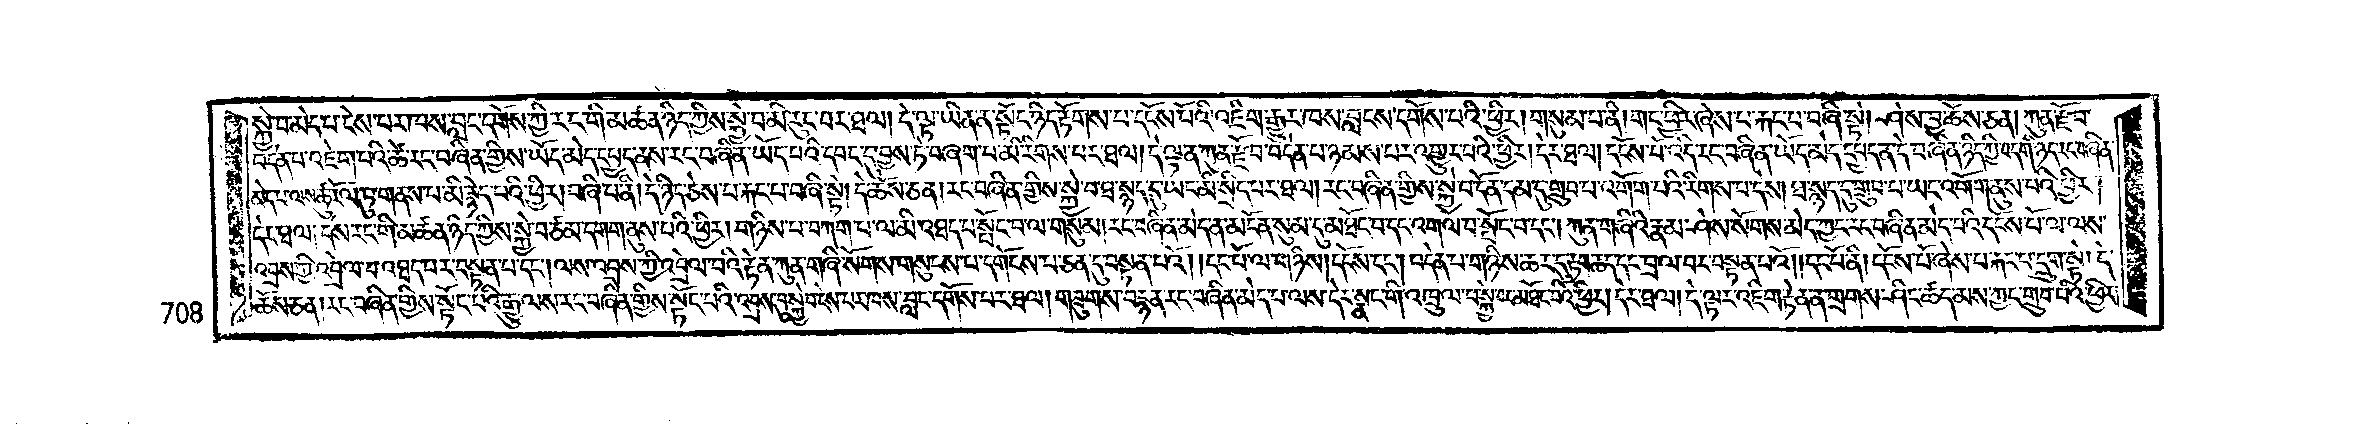སྐྱེ་བ་མེད་པ་ངེས་པར་ཁས་བླང་དགོས་ཀྱི་རང་གི་མཚན་ཉིད་ཀྱིས་སྐྱེ་བ་མི་རུང་བར་ཐལ། དེ་ལྟ་ཡིན་ན་སྟོང་ཉིད་རྟོགས་པ་དངོས་པོའི་འཇིག་རྒྱུར་ཁས་བླངས་དགོས་པའི་ཕྱིར། གསུམ་པ་ནི། གང་ཕྱིར་ཞེས་པ་རྐང་པ་བཞི་སྟེ། ཤེས་བྱ་ཆོས་ཅན། ཀུན་རྫོབ་
བདེན་པ་འཇིག་པའི་ཚེ་རང་བཞིན་གྱིས་ཡོད་མེད་དཔྱད་ནས་རང་བཞིན་ཡོད་པའི་དབང་དུ་བྱས་ཏེ་བཞག་པ་མི་རིགས་པར་ཐལ། དེ་ལྟ་ན་ཀུན་རྫོབ་བདེན་པ་ཉམས་པར་འགྱུར་བའི་ཕྱིར། དེར་ཐལ། དངོས་པོ་འདི་རང་བཞིན་ཡོད་མེད་དཔྱད་ན་དེ་བཞིན་ཉིད་ཀྱི་བདག་ཉིད་རང་བཞིན་
མེད་པ་ལས་ཚུ་རོལ་ཏུ་གནས་པ་མི་རྙེད་པའི་ཕྱིར། བཞི་པ་ནི། དེ་ཉིད་ཅེས་པ་རྐང་པ་བཞི་སྟེ། དེ་ཆོས་ཅན། རང་བཞིན་གྱིས་སྐྱེ་བ་ཐ་སྙད་དུ་ཡང་མི་སྲིད་པར་ཐལ། རང་བཞིན་གྱིས་སྐྱེ་བ་དོན་དམ་དུ་གྲུབ་པ་འགོག་པའི་རིགས་པ་དེས། ཐ་སྙད་དུ་གྲུབ་པ་ཡང་འགོག་ནུས་པའི་ཕྱིར།
དེར་ཐལ། དེས་རང་གི་མཚན་ཉིད་ཀྱིས་སྐྱེ་བ་ཙམ་དགག་ནུས་པའི་ཕྱིར། གཉིས་པ་བཀག་པ་ལ་མི་འཐད་པ་སྤོང་བ་ལ་གསུམ། རང་བཞིན་མེད་ན་མངོན་སུམ་དུ་མཐོང་བ་དང་འགལ་བ་སྤོང་བ་དང་། ཀུན་གཞིའི་རྣམ་ཤེས་སོགས་མེད་ཀྱང་རང་བཞིན་མེད་པའི་དངོས་པོ་ལ་ལས་
འབྲས་ཀྱི་འབྲེལ་བ་འཐད་པར་བསྟན་པ་དང་། ལས་འབྲས་ཀྱི་འབྲེལ་བའི་རྟེན་ཀུན་གཞི་སོགས་གསུངས་པ་དགོངས་པ་ཅན་དུ་བསྟན་པའོ། །དང་པོ་ལ་གཉིས། དངོས་དང་། བདེན་པ་གཉིས་ཆར་དུ་རྟག་ཆད་དང་བྲལ་བར་བསྟན་པའོ། །དང་པོ་ནི། དངོས་པོ་ཞེས་པ་རྐང་པ་དྲུག་སྟེ། དེ་
ཆོས་ཅན། རང་བཞིན་གྱིས་སྟོང་པའི་རྒྱུ་ལས་རང་བཞིན་གྱིས་སྟོང་པའི་འབྲས་བུ་སྐྱེ་བ་ངེས་པར་ཁས་བླང་དགོས་པར་ཐལ། གཟུགས་བརྙན་རང་བཞིན་མེད་པ་ལས་དེར་སྣང་གི་འཁྲུལ་པ་སྐྱེ་བར་མཐོང་བའི་ཕྱིར། དེར་ཐལ། དེ་ལྟར་འཇིག་རྟེན་ན་གྲགས་ཤིང་ཚད་མས་ཀྱང་གྲུབ་པའི་ཕྱིར།